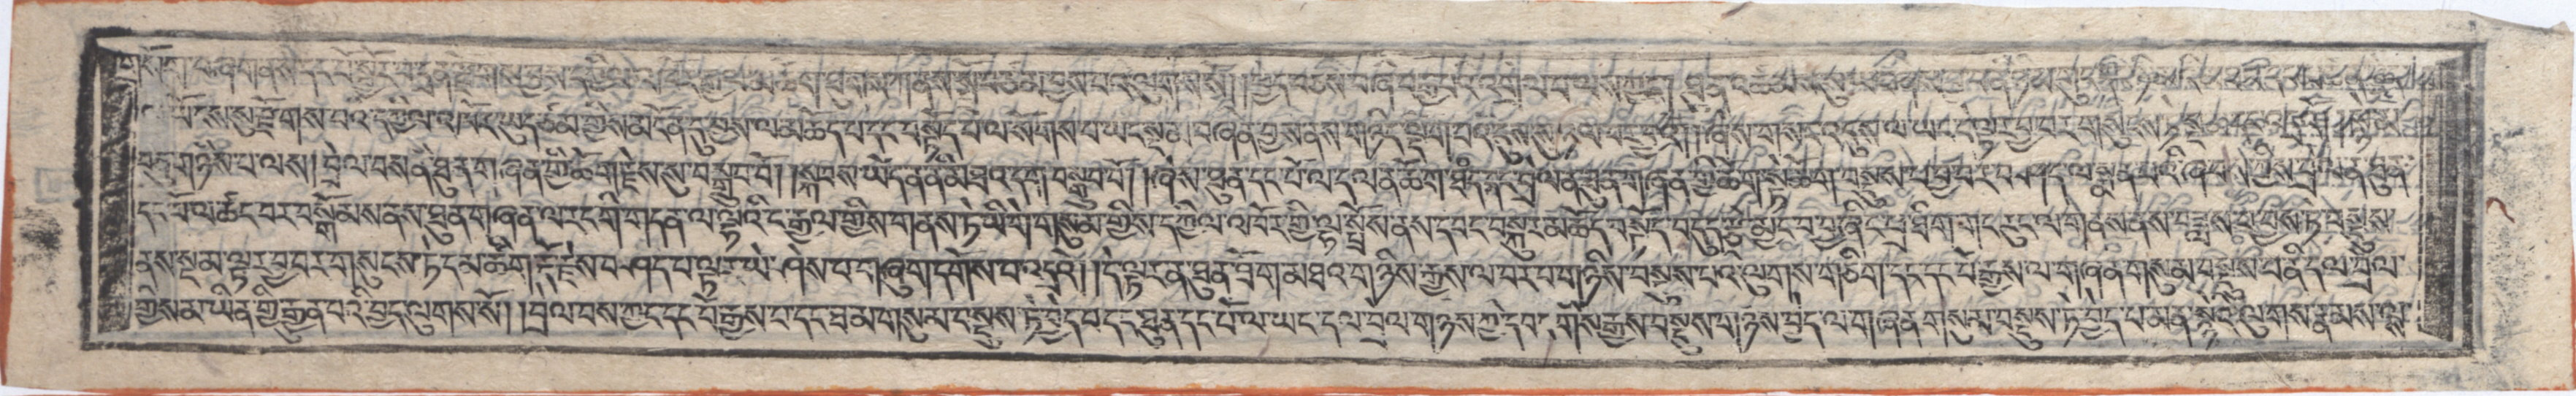གསོག་བཞག་ནས་དང་པོ་སྦྱོར་བ་དྲན་རྫོགས་བྱས་དཀྱིལ་འཁོར་རྒྱལ་མཆོག་ཐུགས་ཀ་ནས་སྤྲོ་བ་ཙམ་བྱས་པའི་ལུགས་སོ། །ཕྱེད་བཅས་བཞི་བརྒྱ་པའི་འགྲེལ་བ་ལས་ཀྱང་། ཐུན་འཚམས་སུ་ཡང་ཞེས་བྱ་བ་ནི་ཉི་མ་གུང་དང་ཉི་མའི་མཐའ་དང་མཚན་ཕྱེད་
ལ་ཡོངས་སུ་རྫོགས་པའི་དཀྱིལ་འཁོར་ཡུད་ཙམ་གྱིས་མངོན་དུ་བྱས་ལ་མཆོད་པ་དང་བསྟོད་པ་ལ་སོགས་པ་ཡང་སྔ་མ་བཞིན་བྱས་ནས་གཉིད་ལྡོག་པའི་དུས་སུ་ཉལ་བར་བྱའོ། །ཞེས་གསང་འདུས་ལ་ཡང་དེ་ལྟར་བྱ་བར་གསུངས་ཏེ་སྔ་མ་དང་འདྲའོ། །སྙེ་མ་
བཅུ་གཉིས་པ་ལས། བྲེལ་བས་ནི་ཐུན་གཞན་གྱི་ཆོ་ག་རྗེས་སུ་བསྒྲུབ་བོ། །སྐབས་ཡོད་ན་ནི་མཐའ་དག་བསྒྲུབ་བོ། །ཞེས་ཐུན་དང་པོ་ལ་དལ་ན་ཆོ་ག་ཐམས་ཅད་དང་བྲེལ་ན་ཐུན་གཞན་གྱི་ཆོ་ག་སྟེ་ཆོ་ག་བསྡུས་པ་བྱ་བར་བཤད་ལ་སྨན་པའི་ཞབས་ཀྱིས་བྲེལ་ན་ཐུན་
དང་པོ་ལ་ཚང་བར་བསྒོམས་ནས་ཐུན་གཞན་ལ་རང་གི་གདན་ལ་ལྷའི་ང་རྒྱལ་གྱིས་གནས་ཏེ་ཡི་གེ་གསུམ་གྱིས་དཀྱིལ་འཁོར་གྱི་ལྷ་སྤྲོས་ནས་དབང་བསྐུར་མཆོད་བསྟོད་བདུད་རྩི་མྱང་བ་བྱ་ཞིང་ཕྲ་ཐིག་གང་རུང་ལ་གནས་ནས་བཟླས་པ་བྱས་ཏེ་བསྡུས་
ནས་སྔ་མ་ལྟར་བྱ་བར་གསུངས་ཏེ་དམ་ཚིག་རྡོ་རྗེས་བཤད་པ་ལྟར་ཡེ་ཤེས་པ་གཞུག་དགོས་པ་འདྲའོ། །དེ་ལྟར་ན་ཐུན་ཐོག་མཐའ་གཉིས་རྒྱས་ལ་བར་པ་གཉིས་བསྡུས་པའི་ལུགས་གཅིག་དང་དང་པོ་རྒྱས་ལ་གཞན་གསུམ་བསྡུས་པ་ནི་དལ་བྲེལ་
གྱིས་མ་ཡིན་གྱི་རྒྱུན་པའི་བྱེད་ལུགས་སོ། །བྲེལ་བས་ཀྱང་དང་པོ་རྒྱས་པ་དང་ཐ་མ་གསུམ་བསྡུས་ཏེ་བྱེད་པ་དང་ཐུན་དང་པོ་ལ་ཡང་དལ་བྲེལ་གཉིས་ཀྱི་དབང་གིས་རྒྱས་བསྡུས་གཉིས་བྱེད་ལ་གཞན་གསུམ་བསྡུས་ཏེ་བྱེད་པ་མན་སྙེའི་ལུགས་རྣམས་ལས་